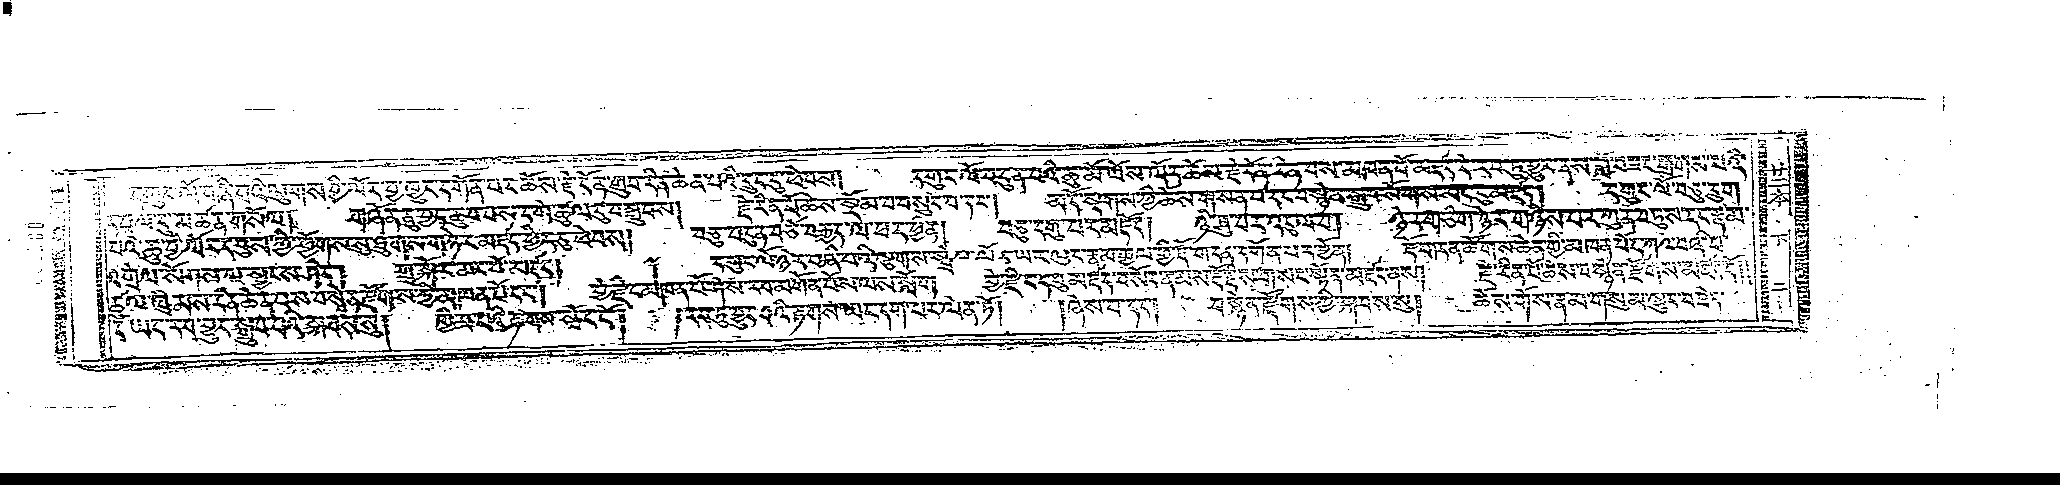དགུང་ལོ་བཞི་ངའི་ལུགས་བྱི་ལོར་བྱ་ཁྱུང་དགོན་པར་ཆོས་རྗེ་དོན་གྲུབ་རིན་ཆེན་བའི་དྲུང་དུ་ཕེབས། དགུང་ལོ་བདུན་པའི་ཆུ་མོ་ཡོས་ལོར་ཆོས་རྗེ་དོན་རིན་བས་མཁན་བོ་མཛད་དེ་རབ་ཏུ་བྱུང་ནས་བློ་བཟང་གྲགས་པའི་
དབལ་དུ་མཚན་གསོལ། གཞོན་ནུ་བྱང་ཆུབ་བས་དགེ་ཚུལ་དུ་བསྒྲུབས། རྗེ་རིན་པོ་ཆེས་སྡོམ་བ་བསྲུངས་དང་། མདོ་སྔགས་ཀྱི་ཆོས་གསན་བ་དང་བསྙེན་སྒྲུབ་སོགས་མང་དུ་མཛད། དགུང་ལོ་བཅུ་དྲུག་
པའི་ཆུ་བྱ་ལོར་དབུས་ཀྱི་ཕྱོགས་སུ་ཐུགས་གཉེར་མཛད་ཕྱེར་དུ་ཕེབས། བཅུ་བདུན་བཅོ་བརྒྱད་ལ་ཕར་ཕྱིན། བཅུ་དགུ་པར་མཛོད། ཉི་ཤུ་པར་འདུལ་བ། ཉེར་གཅིག་ཉེར་གཉིས་པར་ཀུན་བཏུས་དང་རྣམ་
འགྲེལ་སོགས་ལ་སྦྱངས་ཤིང་། གྲྭ་སྒྲོ་མང་བོ་མཛད། ༈ དགུང་ལོ་ཉེར་བཞི་བའི་ལྕགས་སྦྲེལ་ལོར་ཡར་ལུང་རྣམ་རྒྱལ་གྱི་ཇོ་གདན་དགོན་པར་བྱོན། ཇོ་གདན་ཚོགས་ཆེན་གྱི་མཁན་པོ་དཀའ་བཞེ་བ་
ཚུལ་ཁྲིམས་རིན་ཆེན་བས་བསྙེན་རྫོགས་ཀྱི་མཁན་པོ་དང་། བྱེ་རྫིད་མཁན་བོ་ཤེས་རབ་མགོན་པོས་ལས་སློབ། བྱེ་རྫིད་དབུ་མཛད་བསོད་ནམས་རྡོ་རྗེས་གསང་སྟོད་མཛད་ནས། རྗེ་རིན་པོ་ཆེས་བསྙེན་རྫོགས་མཛད་དོ།།
དེ་ཡང་རབ་བྱུང་སྒྲུབ་པའི་སྐབས་སུ། ཁྱིམ་པའི་རྟགས་སྤོང་ངོ། །རབ་ཏུ་བྱུང་བའི་རྟགས་ཡང་དག་པར་ལེན་ཏོ། །ཞེས་པ་དང་། བསྙེན་རྫོགས་ཀྱི་སྐབས་སུ། ཆོས་གོས་རྣམ་གསུམ་ལྷུང་བཟེད་